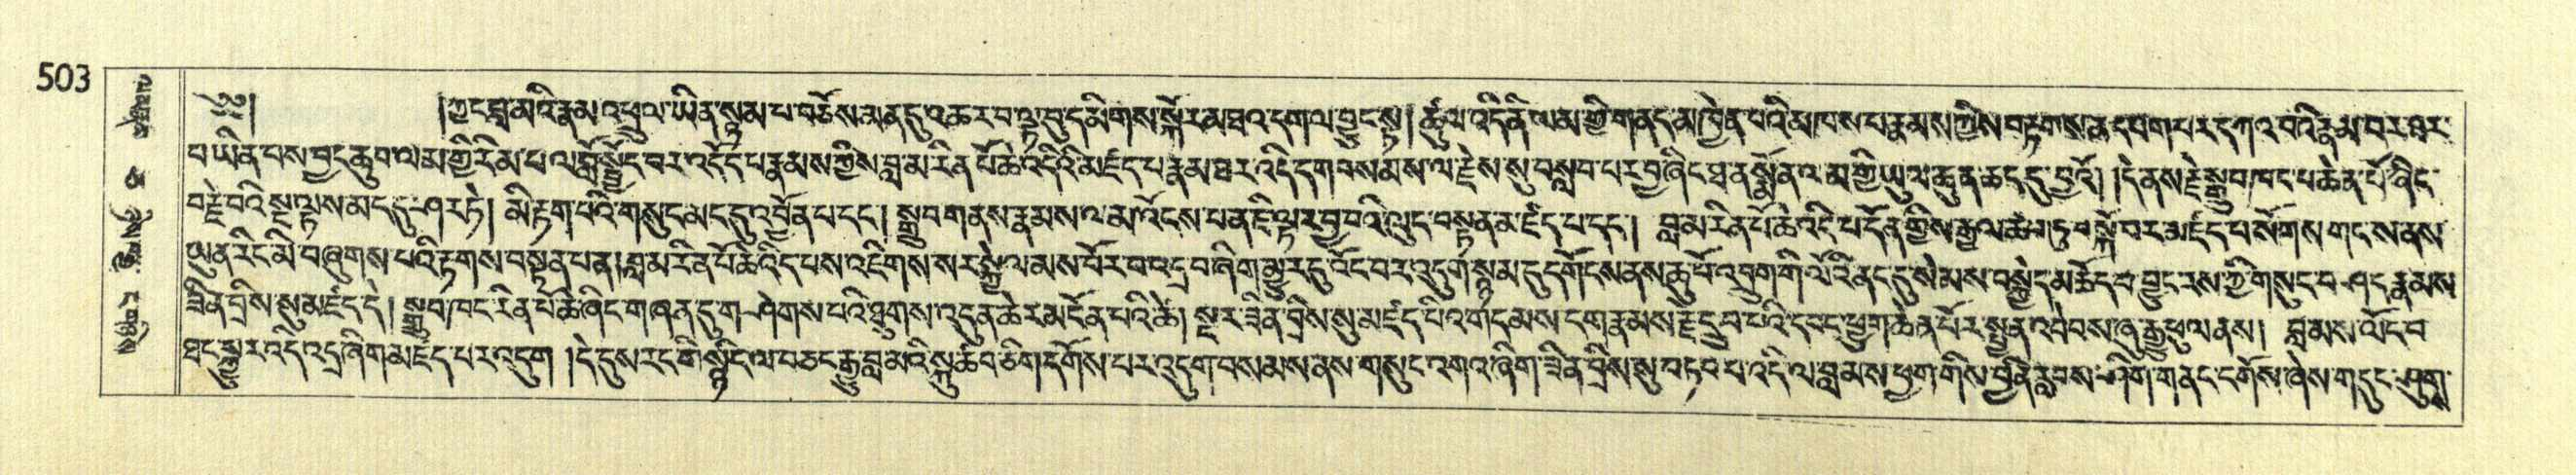༄༅། །ཀྱང་བླ་མའི་རྣམ་འཕྲུལ་ཡིན་སྙམ་པ་བཅོས་མན་དུ་འཆར་བ་ལྟ་བུ་དམིགས་སྐོར་མཐའ་དག་ལ་བྱུང་སྟ། ཚུལ་འདི་ནི་ལམ་གྱི་གནད་མཁྱེན་པའི་མཁས་པ་རྣམས་ཀྱིས་བརྟགས་ན་དཔག་པར་དཀའ་བའི་རྣམ་བར་ཐར་
པ་ཡིན་པས་བྱང་ཆུབ་ལམ་གྱི་རིམ་པ་ལ་བློ་སྦྱོང་བར་འདོད་པ་རྣམས་ཀྱིས་བླ་མ་རིན་པོ་ཆེ་འདིའི་མཛད་པ་རྣམ་ཐར་འདི་དག་བསམས་ལ་རྗེས་སུ་བསླབ་པར་བྱ་ཞིང་ཐ་ན་སྨོན་ལམ་གྱི་ཡུལ་ཆུན་ཆང་དུ་བྱའོ། །དེ་ནས་རྗེ་སྒྲུབ་ཁང་པ་ཆེན་པོ་ཞིང་
བརྗེ་བའི་སྔ་ལྟས་མང་དུ་ཤར་ཏེ། མི་རྟག་པའི་གསུང་མང་དུ་འབྱོན་པ་དང་། སྒྲུབ་གནས་རྣམས་ལམ་འོངས་པ་ན་ཇི་ལྟར་བྱ་བའི་ལུང་བསྟན་མཛད་པ་དང་། བླ་མ་རིན་པོ་ཆེ་འདི་པ་དོན་གྱིས་རྒྱལ་ཚབ་ཏུ་བསྐོ་བར་མཛད་པ་སོགས་གང་ས་ནས་
ཡུན་རིང་མི་བཞུགས་པའི་རྟགས་བསྟན་པ་ན། བླ་མ་རིན་པོ་ཆེ་འདི་པས་འཇིགས་སར་སྐྱེལ་མས་བོར་པ་འདྲ་བ་ཞིག་མྱུར་དུ་འོང་བར་འདུག་སྙམ་དུ་དགོངས་ནས་ཆུ་པོ་འབྲུག་གི་ལོའི་ནང་དུ་སེམས་བསྐྱེད་མཆོད་བ་བྱུང་རས་ཀྱི་གསུང་བཤད་རྣམས་
ཟིན་བྲིས་སུ་མཛད་དེ། སྒྲུབ་ཁང་རིན་པོ་ཆེ་ཞིང་གཞན་དུ་གཤེགས་པའི་ཐུགས་འདུན་ཆེར་མངོན་པའི་ཚེ། སྔར་ཟིན་བྲིས་སུ་མཛད་པའི་གདམས་དག་རྣམས་རྗེ་དྲུབ་པའི་དབང་ཕྱུག་ཆེན་པོར་སྤྱན་འབེགས་ཞུ་རྒྱུ་ཕུལ་ནས། བླམས་ལོང་བ་
ཐང་སྐྱུར་འདི་འདྲ་ཞིག་མཛད་པར་འདུག །དེ་དུས་རང་གི་སྙིང་ལ་བཅང་རྒྱུ་བླ་མའི་སྐུ་ཚབ་ཅིག་དགོས་པར་འདུག་བསམས་ནས་གསུང་འགའ་ཞིག་ཟིན་བྲིས་སུ་འྟའ་པ་འདི་ལ་བླ་མས་ཕྱག་གིས་བྱིན་རླབས་ཤིག་གནང་དགོས་ཞེས་གདུང་ཤུགས་